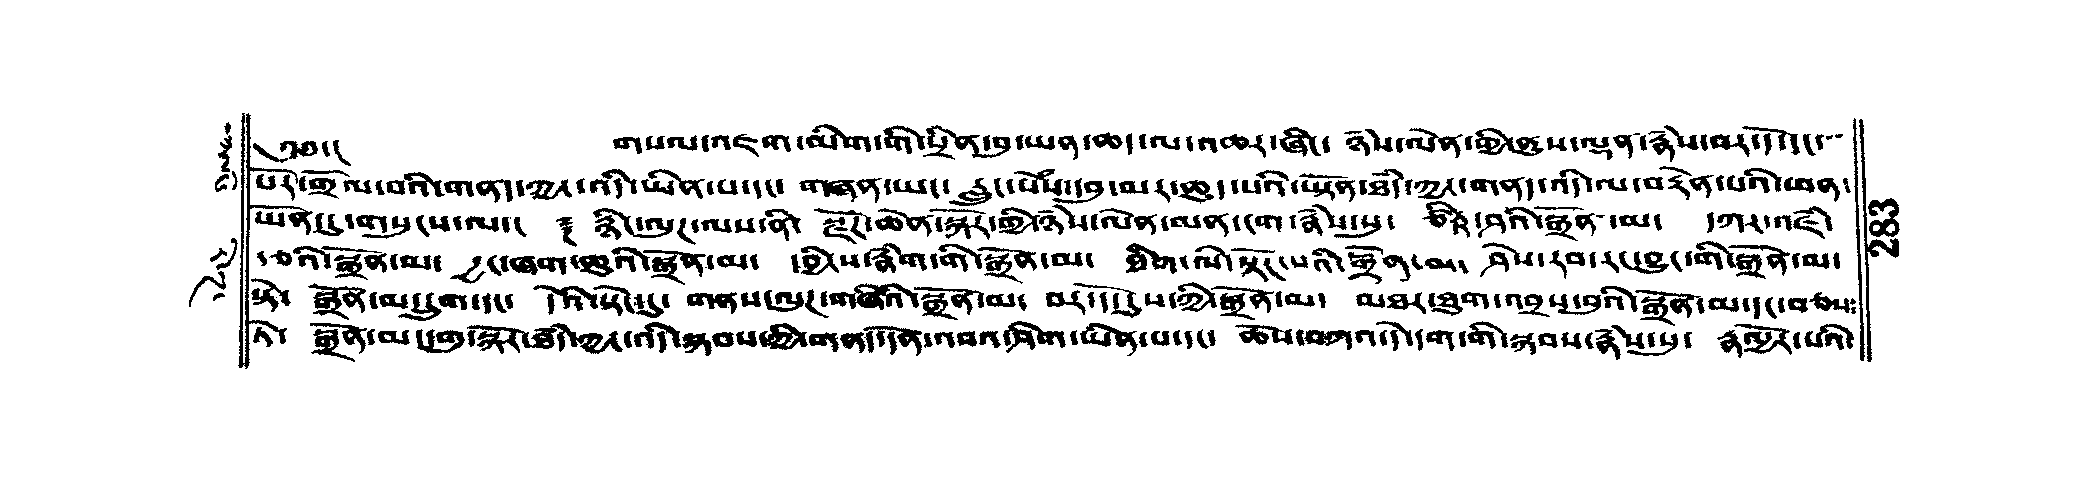གསལ་འཇག་མིག་གི་སྲིན་བུ་ཡན་ཆད་ལ་འཆར་ཞིང་། ཉམས་ལེན་གྱི་ནུས་ལྡན་རྣམས་བར་དོ་དང་
པོར་གྲོལ་བའི་གནད་ཀྱང་འདི་ཡིན་པ་དང་། གཞན་ཡང་། རླུང་སེམས་དབུ་མར་ཆུད་པའི་ཡོན་ཏན་ཐམས་ཅད་ཀྱང་གནད་འདི་ལ་བརྟེན་པའི་ཕན་
ཡོན་དུ་གསུངས་ལ། ༈ རྙིང་ལུགས་ལས་ནི།རྫོགས་ཆེན་སྐོར་གྱི་ཉམས་ལེན་མན་ངག་རྣམས་སུ། ཙིཏྟ་ཤའི་སྒྲོན་མ། དཀར་འཇམ་
རྩའི་སྒྲོན་མ། རྒྱང་ཞགས་ཆུའི་སྒྲོན་མ། དབྱིངས་རྣམ་དག་གི་སྒྲོན་མ། ཐིག་ལེ་སྟོང་པའི་སྒྲོན་མ། ཤེས་རབ་རང་བྱུང་གི་སྒྲོན་མ་
སྟེ། སྒྲོན་མ་དྲུག་དང་། དེའི་སྟེང་དུ། གནས་ལུགས་གཞིའི་སྒྲོན་མ། བར་དོ་དུས་ཀྱི་སྒྲོན་མ། མཐར་ཐུག་འབྲས་བུའི་སྒྲོན་མ་དང་བཅས་
ཏེ། སྒྲོན་མ་དགུ་སྐོར་ཐམས་ཅད་ཀྱང་འདི་སྐབས་ཀྱི་གནད་དོན་འབའ་ཤིག་ཡིན་པ་དང་། ཆོས་བཀའ་དེ་དག་གི་སྐབས་རྣམས་སུ། རྣལ་འབྱོར་པའི་